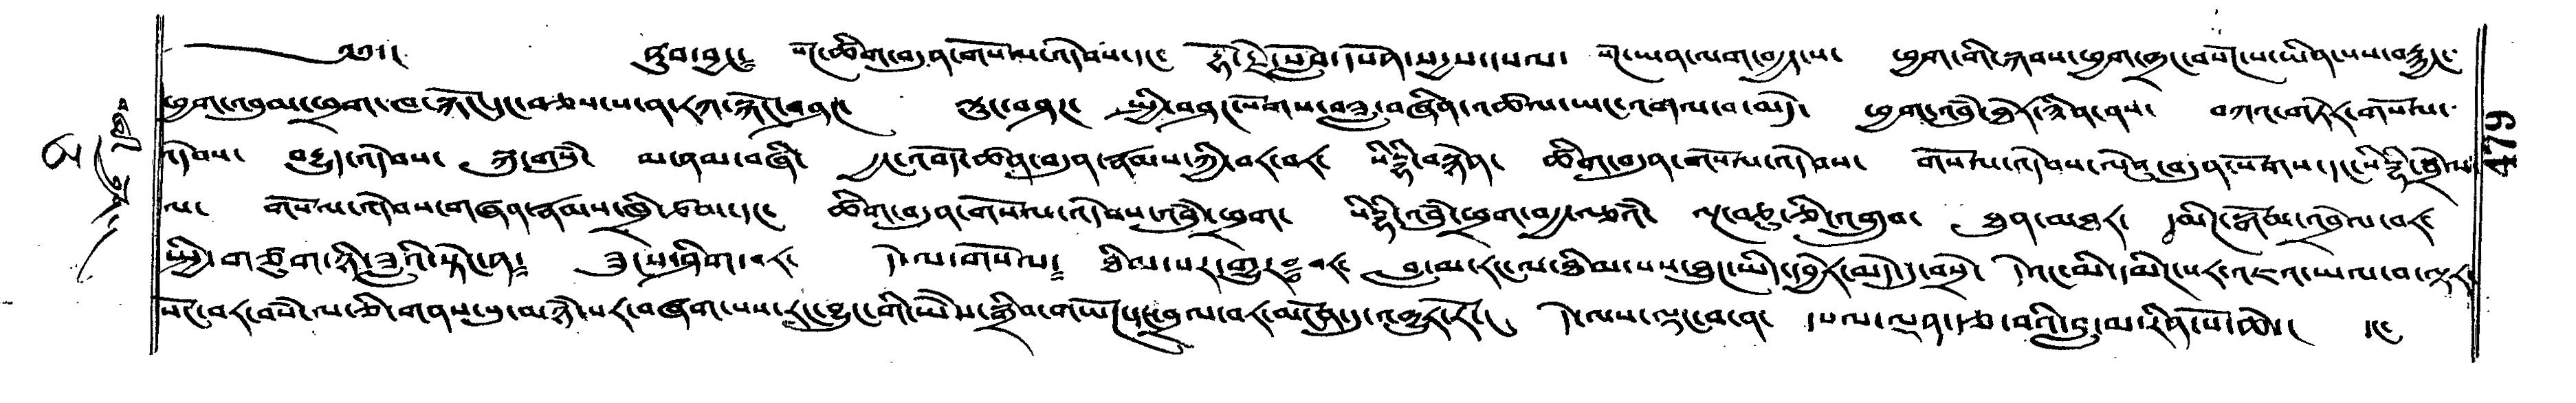ནུབ་བྱང་༴ སོགས་ཚིག་བདུན་གསོལ་འདེབས་དང་། རྡོ་རྗེ་སློབ་དཔོན་སངས་རྒྱས་དཔལ། སོགས་ཡན་ལག་བརྒྱད་པ། ཕྱག་གི་སྐབས་ཕྱག་གྲངས་བསོག་པ་ཡིན་པས་བརྐྱང་
ཕྱག་འབུམ་ཕྲག་ཁ་སྐོང་དང་བཅས་པ་ན་རཀ་སྐོང་བཤགས། ལྟུང་བཤགས། སྤྱི་བཤགས་སོགས་བཟླ་བཞིན་འཚལ་ཡང་འགལ་བ་མེད། ཕྱག་འབུམ་ཐེར་ཟིན་ནས། བཀའ་གཏེར་གསོལ་
འདེབས། བརྒྱུད་འདེབས། སྐུ་གསུམ། མ་ནམ་བཞི། རྒྱང་འབོད་ཚན་བདུན་རྣམས་ཀྱི་བར་བརལ་སིདྡྷི་བསྙེན།ཚིག་བདུན་གསོལ་འདེབས། གསོལ་འདེབས་ལེའུ་བདུན་སོགས་དང་སིདྡྷི་སྦྲེལ་
ལ། གསོལ་འདེབས་གཞན་རྣམས་ཁྲི་ཙམ་དང་། ཚིག་བདུན་གསོལ་འདེབས་འབུམ་ཕྲག སིདྡྷི་འབུམ་ཕྲག་བརྒྱ་རྩའམ་ལྔ་བཅུ་ཅི་འགྲུབ། ཐུན་མཐར། དམིགས་སྒོམ་འབྲེལ་བར། 
སྤྱི་གཙུག་ཉི་ཟླའི་སྟེང་ན༴ ཟུངས་ཤིག་བར། དེ་ལ་གསོལ༴ ཐིམ་པར་གྱུར༔ བར། བླ་མ་རང་ལ་ཐིམ་པས་ཐུགས་ཡིད་དབྱེར་མེད་དུ་བསྲེ། དེའང་མི་དམིགས་པར་འཇའ་ཡལ་བ་ལྟར་
སོང་བར་བསམ་ལ་ཅི་གནས་སུ་མཉམ་པར་བཞག་པས་རང་བྱུང་གི་ཡེ་ཤེས་སྒྲིབ་གཡོགས་དང་བྲལ་བར་མངོན་དུ་འགྱུར་རོ། དེ་ལས་ལྡང་བ་ན། དཔལ་ལྡན་རྩ་བའི་བླ་མ་རིན་པོ་ཆེ་སོགས་དང་།